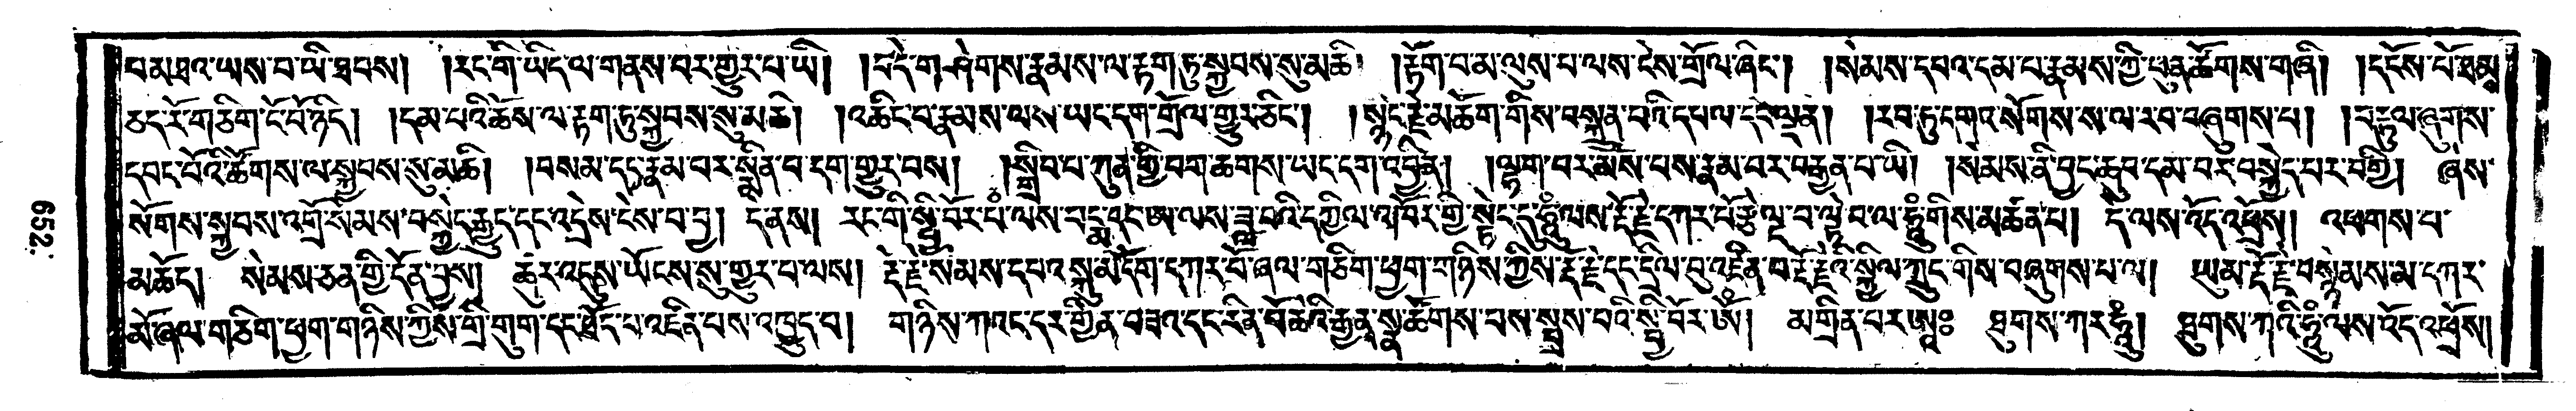བ་མཐའ་ཡས་བ་ཡི་ཐབས། །རང་གི་ཡིད་ལ་གནས་བར་གྱུར་པ་ཡི། །བདེ་གཤེགས་རྣམས་ལ་རྟག་ཏུ་སྐྱབས་སུ་མཆི། །རྟོག་བ་མ་ལུས་པ་ལས་ངེས་གྲོལ་ཞིང་། །སེམས་དཔའ་དམ་པ་རྣམས་ཀྱི་ཕུན་ཚོགས་གཞི། །དངོས་པོ་ཐམས་
ཅད་རོ་གཅིག་ངོ་བོ་ཉིད། །དམ་པའི་ཆོས་ལ་རྟག་ཏུ་སྐྱབས་སུ་མཆི། །འཆིང་བ་རྣམས་ལས་ཡང་དག་གྲོལ་གྱུར་ཅིང་། །སྙིང་རྗེ་མཆོག་གིས་བསྐྲུན་པའི་དཔལ་དང་ལྡན། །རབ་ཏུ་དགའ་སོགས་ས་ལ་རབ་བཞུགས་པ། །བརྟུལ་ཞུགས་
དབང་པོའི་ཚོགས་ལ་སྐྱབས་སུ་མཆི། །བསམ་དང་རྣམ་པར་སྨིན་པ་དག་གྱུར་བས། །སྒྲིབ་པ་ཀུན་གྱི་བག་ཆགས་ཡང་དག་འབྱིན། །ལྷག་བར་མོས་པས་རྣམ་པར་བརྒྱན་པ་ཡི། །སེམས་ནི་བྱང་ཆུབ་དམ་པར་བསྐྱེད་པར་བགྱི། ཞེས་
སོགས་སྐྱབས་འགྲོ་སེམས་བསྐྱེད་རྒྱུད་དང་འདྲེས་ངེས་བ་བྱ། དེ་ནས། རང་གི་སྤྱི་བོར་པཾ་ལས་པདམ་དང་ཨ་ལས་ཟླ་བའི་དཀྱིལ་འཁོར་གྱི་སྟེང་དུ་ཧཱུཾ་ལས་རྡོ་རྗེ་དཀར་པོ་རྩེ་ལྔ་བ་ལྟེ་བ་ལ་ཧཱུཾ་གིས་མཚན་པ། དེ་ལས་འོད་འཕྲོས། འཕགས་པ་
མཆོད། སེམས་ཅན་གྱི་དོན་བྱས། ཚུར་འདུས་ཡོངས་སུ་གྱུར་པ་ལས། རྡོ་རྗེ་སེམས་དཔའ་སྐུ་མདོག་དཀར་པོ་ཞལ་གཅིག་ཕྱག་གཉིས་ཀྱིས་རྡོ་རྗེ་དང་དྲིལ་བུ་འཛིན་པ་རྡོ་རྗེའི་སྐྱིལ་ཀྲུང་གིས་བཞུགས་པ་ལ། ཡུམ་རྡོ་རྗེ་བསྙེམས་མ་དཀར་
མོ་ཞལ་གཅིག་ཕྱག་གཉིས་ཀྱིས་གྲི་གུག་དང་ཐོད་པ་འཛིན་པས་འཁྱུད་བ། གཉིས་ཀའང་དར་གྱི་ན་བཟའ་དང་རིན་པོ་ཆེའི་རྒྱན་སྣ་ཚོགས་བས་སྤྲས་བའི་སྦྱི་བོར་ཨོཾ། མགྲིན་པར་ཨཱཿ ཐུགས་ཀར་ཧཱུཾ། ཐུགས་ཀའི་ཧཱུཾ་ལས་འོད་འཕྲོས།